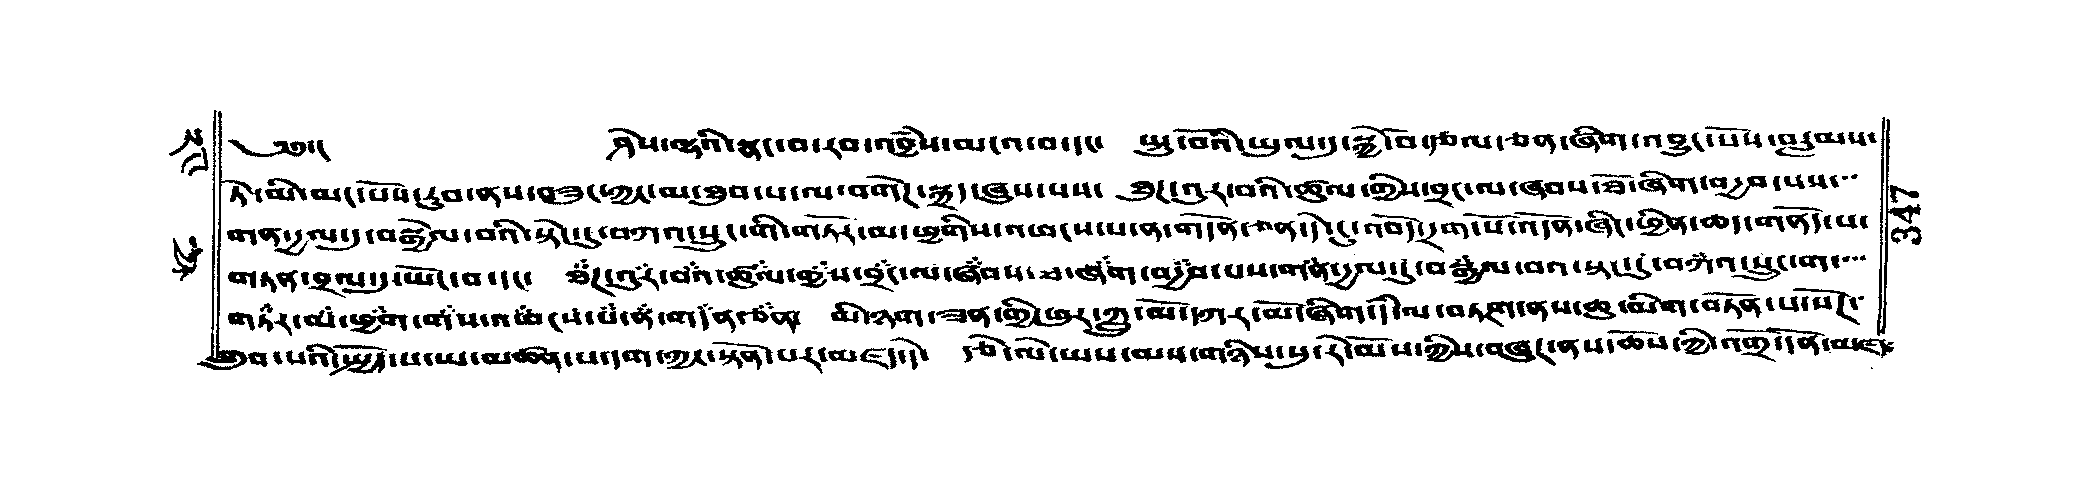ཤེས་ལྷའི་སྣང་བ་རབ་འབྱམས་མངའ་བ་དང་། སྤུ་བོའི་ཡུལ་དུ་སྐྱེ་བོ་རྩལ་ཅན་ཞིག་འབྱུང་པོས་བརླམས་
ཏེ་མི་མང་པོས་རུབ་ནས་བཟུང་ཀྱང་མ་ཐུབ་པ་ལ་བགེགས་སྐྲད་ཞུས་པས། ཐུགས་འུར་བའི་ཚུལ་གྱིས་བྲང་ལ་ཞབས་ཐོ་ཞིག་བརྒྱབ་པས་
གན་རྐྱལ་དུ་བསྒྱེལ་བའི་སྟེང་དུ་བཀའ་སྲུང་གི་གཏོར་མ་ཕྱག་གིས་འཕངས་པ་ན་གདོན་ཅན་དེ་ངུ་འབོད་དྲག་པོ་འདོན་ཞིང་ཕྱིན་ཆད་གནོད་པ་
གཏན་བྲལ་དུ་ཡོང་བ་དང་། ཆགས་འུར་ཚུལ་གྱི་བྲད་ལ་ཞབས་བ་ཞག་བརྒྱབ་པས་གདན་རྒྱལ་དུ་བསྒྱལ་བའི་སྟང་དུ་བཀའ་སྲུང་ག
གཏར་མ་ཕྱག་གས་འཆངས་པ་ན་གདན་ཅན་ མི་ཉག་ཟན་གྱི་ཕུར་ཀླུ་མོ་དཀར་མོ་ཞིག་དམ་ལ་བཏགས་ནས་ཆུ་མིག་བཏོན་པ་སོགས་
གྲུབ་པའི་སྤྱོད་པ་ཡ་མཚན་པ་དག་ཀྱང་སྟོན་པར་མཛད་དེ། རྩེ་ལེ་ཡས་མས་གཉིས་སུ་རེ་མོས་ཀྱིས་བཞུགས་ནས་ཆོས་ཀྱི་འགྲོ་དོན་མཛད་